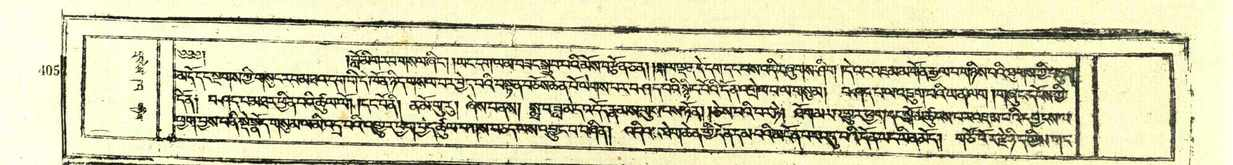༄༅༅། །བློ་མིག་རབ་གསལ་ཞིང་། །ཡང་དག་ལམ་བཟང་སྒྲུབ་པའི་མོས་བརྩོན་ཅན། །སྐལ་ལྡན་དེ་དག་དང་བས་འདིར་ཞུགས་ཤིག །དེའང་འཇམ་མགོན་རྒྱལ་བ་གཉིས་པའི་ཐུགས་ཀྱི་བཅུད།
མདོ་དང་སྔགས་ཀྱི་གསུང་རབ་མཐའ་དག་གི་དེ་ཁོ་ན་ཉིད་གསལ་བར་བྱེད་བའི་བསྟན་བཅོས་ཆེན་པོ་ལེགས་པར་བཤད་པའི་སྙིང་པོའི་དོན་འགྲེལ་བ་ལ་གསུམ། བཤད་པ་ལ་འཇུག་པའི་ཡན་ལག །གཞུང་དངོས་ཀྱི་
དོན༑ བཤད་པ་མཐར་ཕྱིན་པའི་ཚུལ་ལོ། །དང་པོ་ནི། ན་མོ་གུ་རུ། ཞེས་པ་ནས། སྨྲ་བ་ཟླ་མེད་འདོད་རྣམས་གུས་པས་ཉོན། །ཅེས་པའི་བར་ཏེ། ཐོག་མར་འགྱུར་ཕྱག་དང་སྒོ་མཚུངས་པར་འཇམ་པའི་དབྱངས་ལ་
ཕྱག་བྱས་པ་ནི་སྡེ་སྣོད་གསུམ་ལ་མི་འདྲ་བའི་འགྱུར་ཕྱག་བྱེད་ཚུལ་བཀས་བཅད་ལས་འབྱུང་བ་བཞིན། འདིའང་ཐེག་ཆེན་གྱི་དོན་དམ་བའི་མངོན་པར་འདུ་བའི་དོན་ཡང་ཡིན་མོད། གཙོ་བོར་རྗེ་ཉིད་ཀྱིས་གང་